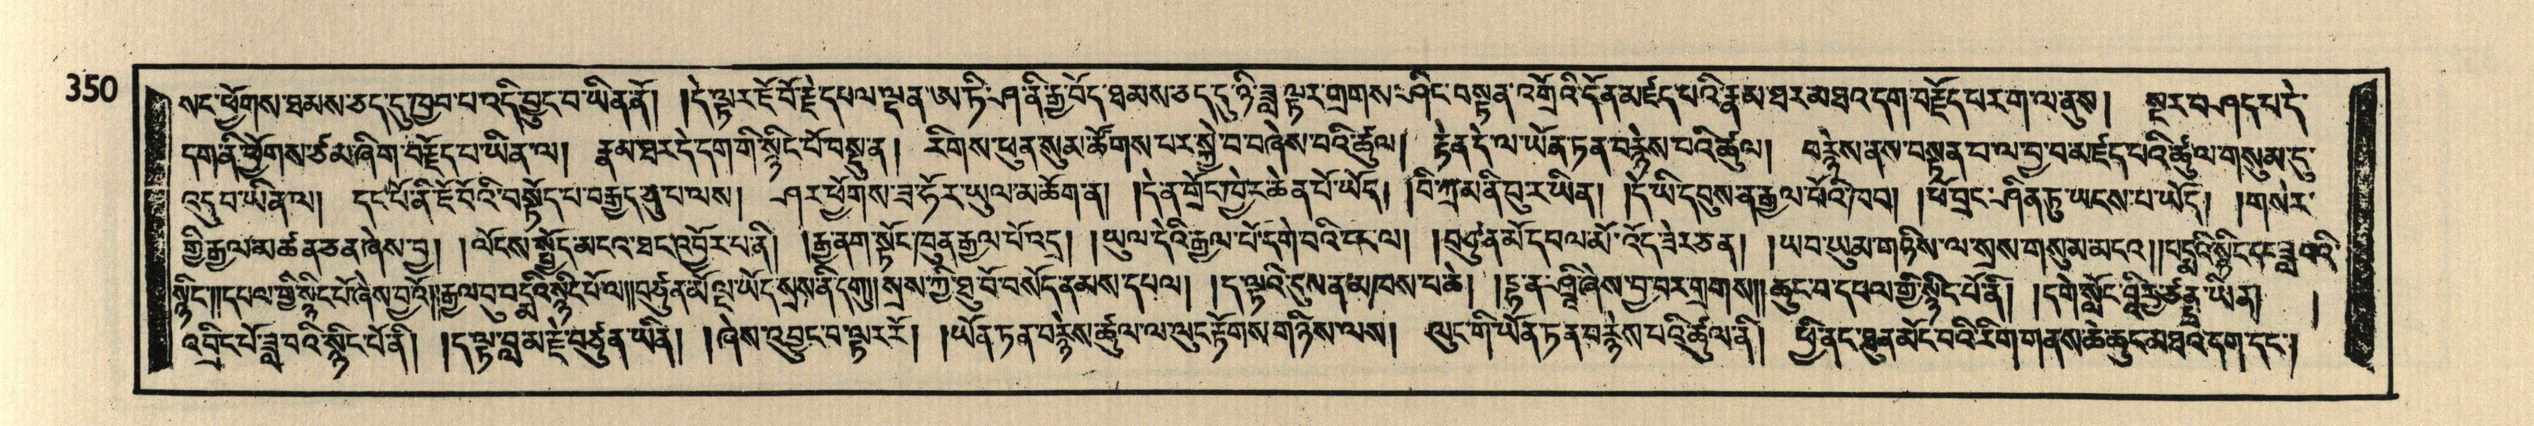སང་ཕྱོགས་ཐམས་ཅད་དུ་ཁྱབ་པ་འདི་བྱུང་བ་ཡིན་ནོ། །དེ་ལྟར་ཇོ་བོ་རྗེ་དཔལ་ལྡན་ཨ་ཏི་ཤ་ནི་རྒྱ་བོད་ཐམས་ཅད་དུ་ཉི་ཟླ་ལྟར་གྲགས་ཤིང་བསྟན་འགྲོའི་དོན་མཛད་པའི་རྣམ་ཐར་མཐའ་དག་བརྗོད་པར་ག་ལ་ནུས། སྔར་བཤད་པ་དེ་
དག་ནི་ཕྱོགས་ཙམ་ཞིག་བརྗོད་པ་ཡིན་ལ། རྣམ་ཐར་དེ་དག་གི་སྙིང་པོ་བསྡུ་ན། རིགས་ཕུན་སུམ་ཚོགས་པར་སྐྱེ་བ་བཞེས་པའི་ཚུལ། རྟེན་དེ་ལ་ཡོན་ཏན་བརྙེས་པའི་ཚུལ། བརྙེས་ནས་བསྟན་པ་ལ་བྱ་བ་མཛད་པའི་ཚུལ་གསུམ་དུ་
འདུབ་ཡིན་ལ། དང་པོ་ནི་ཇོ་བོའི་བསྟོད་པ་བརྒྱད་ཅུ་པ་ལས། ཤར་ཕྱོགས་ཟ་ཧོར་ཡུལ་མ་ཆོག་ན། །དེ་ན་གྲོང་ཁྱེར་ཆེན་པོ་ཡོད། །བི་ཀྲ་མ་ནི་བུ་ར་ཡིན། །དེ་ཡི་དབུས་ན་རྒྱལ་པོའི་ཁབ། །ཕོ་བྲང་ཤིན་ཏུ་ཡངས་པ་ཡོད། །གསེར་
གྱི་རྒྱལ་མཚན་ཅན་ཞེས་བྱ། །ལོངས་སྤྱོད་མངའ་ཐང་འབྱོར་པ་ནི། །རྒྱ་ནག་སྟོང་ཁུན་རྒྱལ་པོ་འདྲ། །ཡུལ་དེའི་རྒྱལ་པོ་དགེ་བའི་དང་ལ། །བཙུན་མོ་དཔལ་མོ་འོད་ཟེར་ཅན། །ཡབ་ཡུམ་གཉིས་ལ་སྲས་གསུམ་མངའ། །པདམའི་སྙིང་དང་ཟླ་བའི་
སྙིང་། །དཔལ་གྱི་སྙིང་པོ་ཞེས་བྱའོ། །རྒྱལ་བུ་པདམའི་སྙིང་པོ་ལ། །བཙུན་མོ་ལྔ་ཡོད་སྲས་ནི་དགུ། །སྲས་ཀྱི་ཐུ་བོ་བསོད་ནམས་དཔལ། །ད་ལྟའི་དུས་ན་མཁས་པ་ཆེ། །དྷ་ན་ཤྲཱི་ཞེས་བྱ་བར་གྲགས། །ཆུང་བ་དཔལ་གྱི་སྙིང་པོ་ནི། །དགེ་སློང་བཱིརྱ་ཙན་དྲ་ཡིན། །
འབྲིང་པོ་ཟླ་བའི་སྙིང་པོ་ནི། །ད་ལྟ་བླ་མ་རྗེ་བཙུན་ཡིན། །ཞེས་འབྱུང་བ་ལྟར་རོ། །ཡོན་ཏན་བརྙེས་ཚུལ་ལ་ལུང་རྟོགས་གཉིས་ལས། ལུང་གི་ཡོན་ཏན་བརྙེས་པའི་ཚུལ་ནི། ཕྱི་ནང་ཐུན་མོང་བའི་རིག་གནས་ཆེ་ཆུང་མཐའ་དག་དང་།